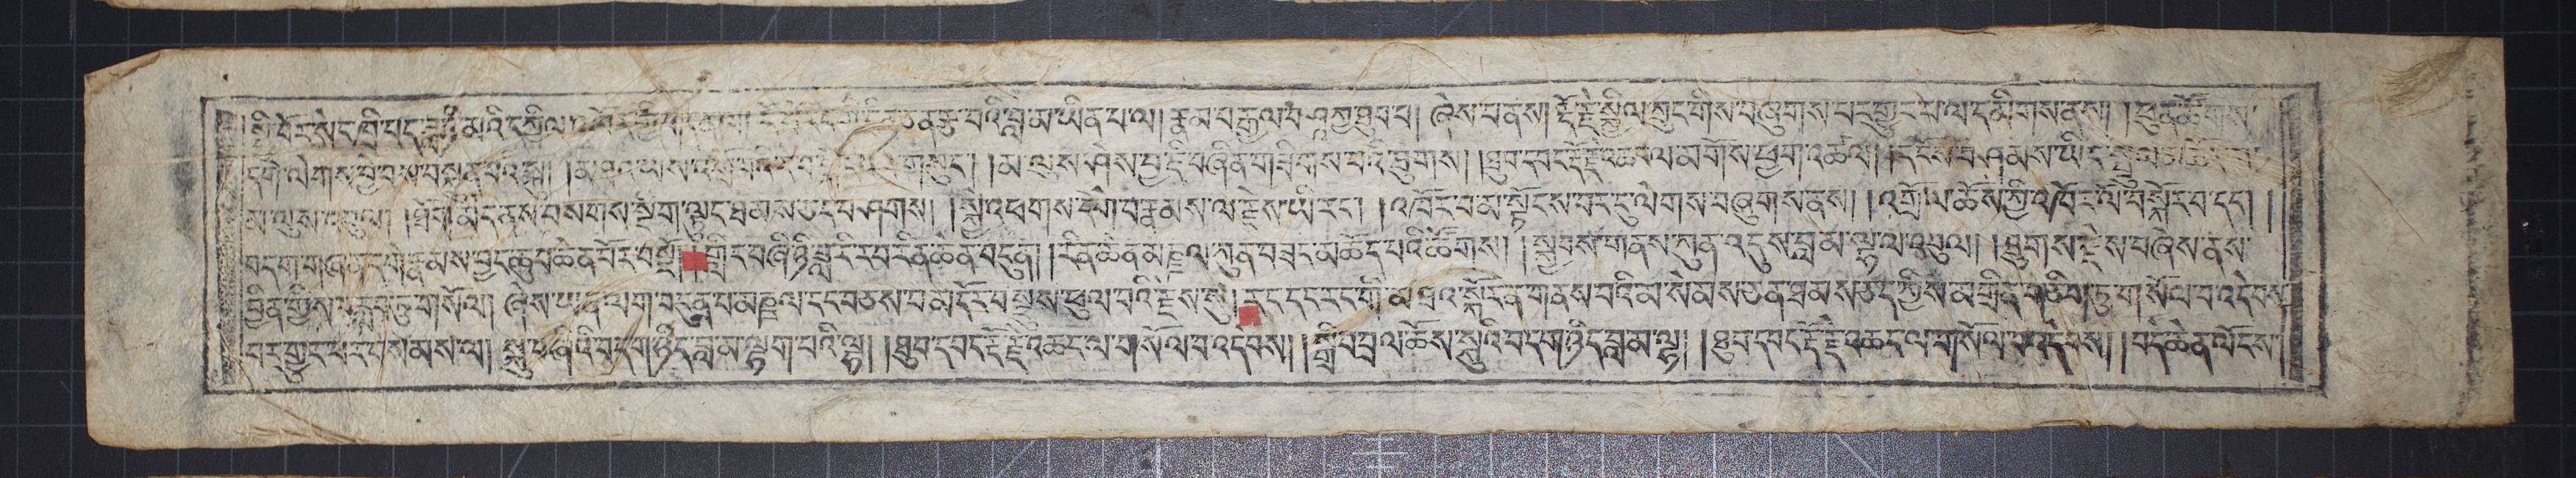སྤྱི་བོར་སེང་ཁྲི་པད་ཟླ་ཉི་མའི་དཀྱིལ་འཁོར་གྱི་གདན་ལ། ངོ་བོ་རང་གི་དྲིན་ཅན་རྩ་བའི་བླ་མ་ཡིན་པ་ལ། རྣམ་པ་རྒྱལ་བ་ཤཱཀྱ་ཐུབ་པ། ཞེས་པ་ནས། རྡོ་རྗེ་སྐྱིལ་ཀྲུང་གིས་བཞུགས་པར་གྱུར་པ་ལ་དམིགས་ནས། །ཕུན་ཚོགས་
དགེ་ལེགས་བྱེ་བས་བསྐྲུན་པའི་སྐུ། །མཐའ་ཡས་འགྲོ་བའི་རེ་བ་སྐོང་བའི་གསུང་། །མ་ལུས་ཤེས་བྱ་ཇི་བཞིན་གཟིགས་པའི་ཐུགས། །ཐུབ་དབང་རྡོ་རྗེ་འཆད་ལ་མགོས་ཕྱག་འཚལ། །དངོས་བཤམས་ཡིད་སྤྲུལ་མཆོད་པ་
མ་ལུས་འབུལ། །ཐོག་མེད་ནས་བསགས་སྡིག་ལྟུང་ཐམས་ཅད་བཤགས། །སྐྱེ་འཕགས་དགེ་བ་རྣམས་ལ་རྗེས་ཡི་རང་། །འཁོར་བ་མ་སྟོངས་བར་དུ་ལེགས་བཞུགས་ནས། །འགྲོ་ལ་ཆོས་ཀྱི་འཁོར་ལོ་བསྐོར་བ་དང་། །
བདག་གཞན་དགེ་རྣམས་བྱང་ཆུབ་ཆེན་པོར་བསྔོ། །གླིང་བཞི་ཉི་ཟླ་རི་རབ་རིན་ཆེན་བདུན། །རིན་ཆེན་མཎྜལ་ཀུན་བཟང་མཆོད་པའི་ཚོགས། །སྐྱབས་གནས་ཀུན་འདུས་བླ་མ་ལྷ་ལ་འབུལ། །ཐུགས་རྗེས་བཞེས་ནས་
བྱིན་གྱིས་བརླབ་ཏུ་གསོལ། ཞེས་ཡན་ལག་བདུན་པ་མཎྜལ་དང་བཅས་པ་མདོར་བསྡུས་ཕུལ་བའི་རྗེས་སུ། རང་དང་རང་གི་མཐའ་སྐོར་ན་གནས་པའི་མ་སེམས་ཅན་ཐམས་ཅད་ཀྱིས་མགྲིན་གཅིག་ཏུ་གསོལ་བ་འདེབས་
པར་གྱུར་པར་བསམས་ལ། སྐུ་བཞིའི་བདག་ཉིད་བླ་མ་ལྷག་པའི་ལྷ། །ཐུབ་དབང་རྡོ་རྗེ་འཆང་ལ་གསོལ་བ་འདེབས། །སྒྲིབ་བྲལ་ཆོས་སྐུའི་བདག་ཉིད་བླ་མ་ལྷ། །ཐུབ་དབང་རྡོ་རྗེ་འཆང་ལ་གསོལ་བ་འདེབས། །བདེ་ཆེན་ལོངས་